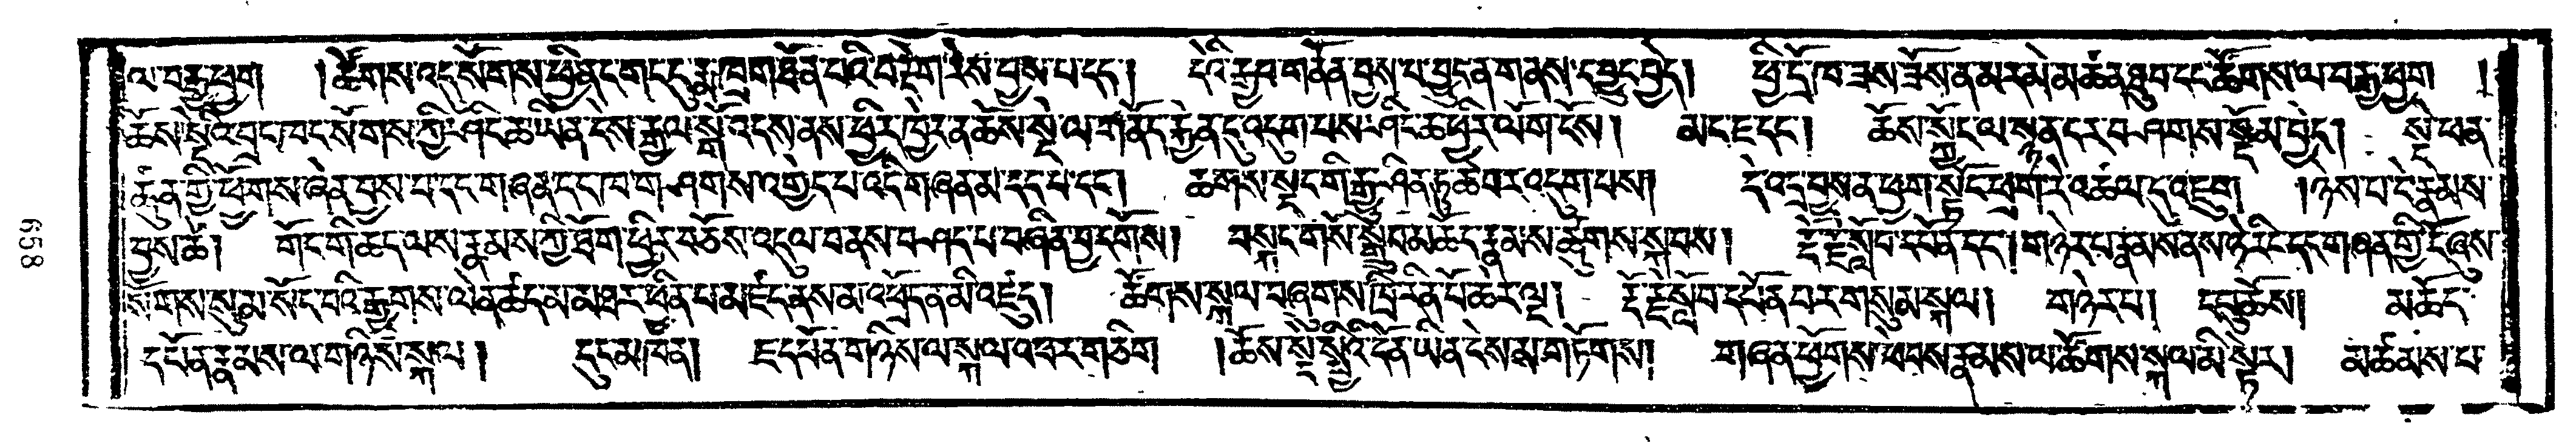ལ་བརྒྱ་ཕྱག །ཚོགས་འདུ་སོགས་ཕྱི་ནང་གང་དུ་རྨ་ཁྲག་ཐོན་པའི་བརྡེག་རེས་བྱས་པ་དང་། དེའི་རྒྱབ་གནོན་བྱས་པ་བྱུང་ན་གནས་དབྱུང་བྱེད། ཕྱི་དྲོ་ཁ་ཟས་ཟོས་ན་མར་མེ་མཚན་ཐུབ་དང་ཚོགས་ལ་བརྒྱ་ཕྱག །
ཆོས་སྡེའི་བྲང་ཁང་སོགས་ཀྱི་ཤིང་ཆ་ཡིན་ངེས་རྒྱལ་སྒོ་འདས་ནས་ཕྱིར་ཁྱེར་ན་ཆོས་སྡེ་ལ་གནོད་རྐྱེན་དུ་འདུག་པས་ཤིང་ཆ་ཕྱིར་ལོག་ངོས། མང་ཇ་དང་། ཆོས་སྐྱོང་ལ་སྙན་དར་བཤགས་སྡོམ་བྱེད། སྡེ་ཕན་
ཚུན་གྱི་ཕྱོགས་ཞེན་བྱས་པ་དང་གཞན་དང་ཁ་གཤགས་འགྱེད་པ་འདི་གཞན་མ་དད་པེ་དང་། ཆགས་སྡང་གི་རྒྱུ་ཤིན་ཏུ་ཆེ་བར་འདུག་པས། དེ་འདྲ་བྱས་ན་ཕྱག་སྟོང་ཕྲག་རེ་འཚལ་དུ་འཇུག །ཉེས་པ་དེ་རྣམས་
བྱས་ཚེ། གོང་གི་ཆད་ལས་རྣམས་ཀྱི་ཐོག་ཕྱིར་བཅོས་འདུལ་བ་ནས་བཤད་པ་བཞིན་བྱ་དགོས། །བསྐང་གསོ་སྒྲུབ་མཆོད་རྣམས་ཚུགས་སྐབས། རྡོ་རྗེ་སློབ་དཔོན་དང་། གཉེར་པ་རྣམས་ནས་ཉེ་རིང་དང་གཞན་གྱི་ངོ་ཞུས་
སོགས་སུ་མ་སོང་བའི་རྒྱགས་ལེན་ཚད་མ་མཐར་ཕྱིན་པ་མཛད་ནས་མ་འཕྲོད་ན་མི་འཛུད། ཚོགས་སྐལ་བཞུགས་ཁྲི་རིན་པོ་ཆེར་ལྔ། རྡོ་རྗེ་སློབ་དཔོན་པར་གསུམ་སྐལ། གཉེར་པ། དབུ་ཆོས། མཆོད་
དཔོན་རྣམས་ལ་གཉིས་སྐལ། དུང་མཁན། ཇ་དཔོན་གཉིས་ལ་སྐལ་འཕར་གཅིག །ཆོས་སྡེ་སྤྱིའི་དོན་ཡིན་ངེས་མ་གཏོགས། གཞན་ཕྱོགས་ཕེབས་རྣམས་ལ་ཚོགས་སྐལ་མི་སྟེར། མཚམས་པ་